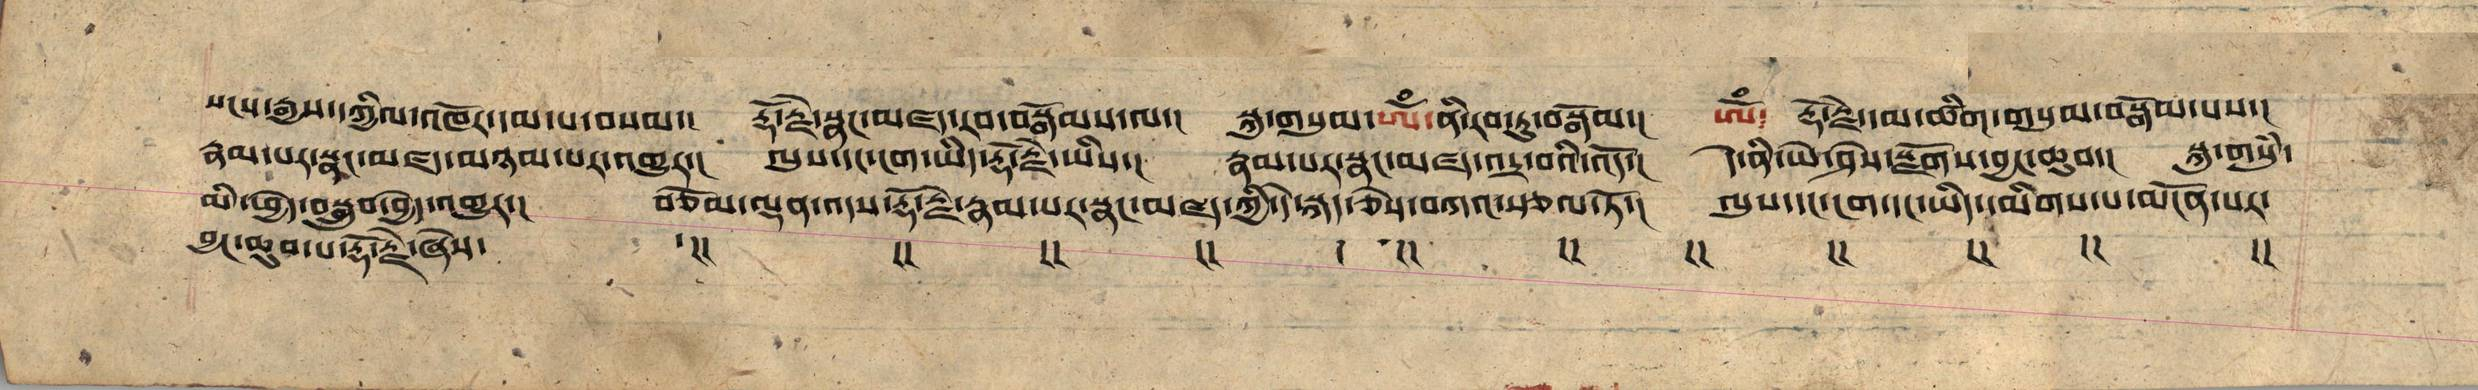སངས་རྒྱས་དཀྱིལ་འཁོར་དམ་པ་བསམ་། རྡོ་རྗེ་སྣང་མཛད་རབ་བསྒོམས་ལ་། སྐུ་གསུམ་ཨོཾ་ནི་རབ་ཏུ་བསྒོམ་། ཨོཾ༑ རྡོ་རྗེ་དམ་ཚིག་གསུམ་བསྒོམ་པས་།
རྣམ་པར་སྣང་མཛད་མཉམ་པར་འགྱུར་།། ལུས་དང་ངག་ཡིད་རྡོ་རྗེ་ཡིས་། རྣམ་པར་སྣང་མཛད་འདྲ་བའི་འོད་། དེ་ནི་ཡེ་ཤེས་སྫོགས་བྱང་ཆུབ་། སྐུ་གསུཾ་
མི་ཕྱེད་བསྒྲུབ་བྱེད་འགྱུར་། བཅོམ་ལྡན་འདས་རྡོ་རྗེ་རྣམ་པར་སྣང་མཛད་ཀྱི་དེ་སྐད་ཅེས་བཀའ་སྩལ་ཏོ་། ལུས་དང་ངག་དང་ཡིད་དམིགས་པ་མངོན་པར་
བྱང་ཆུབ་པ་རྡོ་རྗེ་ཞེས་